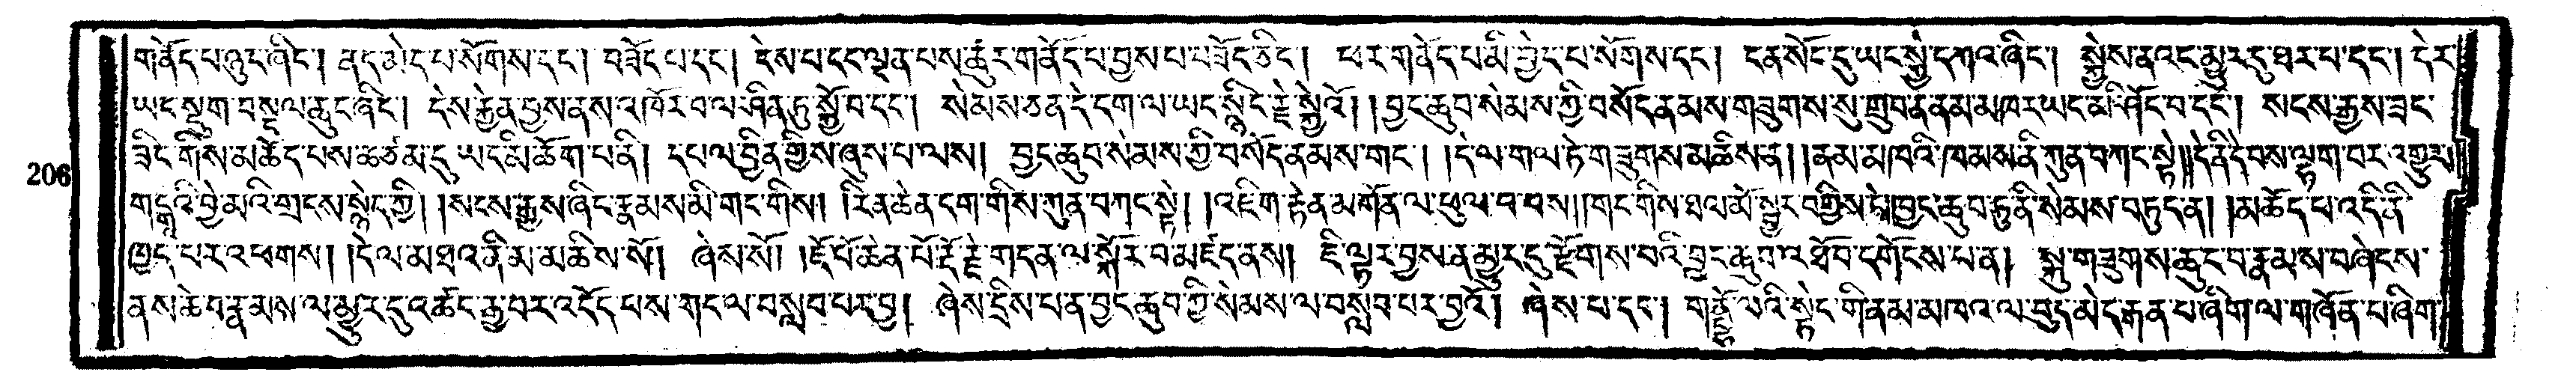གནོད་པ་ཉུང་ཞིང་། ནད་མེད་པ་སོགས་དང་། བཟོད་པ་དང་། ངེས་པ་དང་ལྡན་པས་ཚུར་གནོད་པ་བྱས་པ་བཟོད་ཅིང་། ཕར་གནོད་པ་མི་བྱེད་པ་སོགས་དང་། ངན་སོང་དུ་ཡང་སྐྱེ་དཀའ་ཞིང་། སྐྱེས་ནའང་མྱུར་དུ་ཐར་པ་དང་། དེར་
ཡང་སྡུག་བསྔལ་ཆུང་ཞིང་། དེས་རྐྱེན་བྱས་ནས་འཁོར་བ་ལ་ཤིན་ཏུ་སྐྱོ་བ་དང་། སེམས་ཅན་དེ་དག་ལ་ཡང་སྙིང་རྗེ་སྐྱེའོ། །བྱང་ཆུབ་སེམས་ཀྱི་བསོད་ནམས་གཟུགས་སུ་གྲུབ་ན་ནམ་མཁར་ཡང་མི་ཤོང་བ་དང་། སངས་རྒྱས་ཟང་
ཟིང་གིས་མཆོད་པས་ཆ་ཙམ་དུ་ཡང་མི་ཆོག་པ་ནི། དཔལ་བྱིན་གྱིས་ཞུས་པ་ལས། བྱང་ཆུབ་སེམས་ཀྱི་བསོད་ནམས་གང་། །དེ་ལ་གལ་ཏེ་གཟུགས་མཆིས་ན། །ནམ་མཁའི་ཁམས་ནི་ཀུན་བཀང་སྟེ། །དེ་ནི་དེ་བས་ལྷག་པར་འགྱུར།
གདགཱའི་བྱེ་མའི་གྲངས་སྙེད་ཀྱི། སངས་རྒྱས་ཞིང་རྣམས་མི་གང་གིས། །རིན་ཆེན་དག་གིས་ཀུན་བཀང་སྟེ། །འཇིག་རྟེན་མགོན་ལ་ཕུལ་བ་བས། །གང་གིས་ཐལ་མོ་སྦྱར་བགྱིས་དེ། །བྱང་ཆུབ་ཏུ་ནི་སེམས་བཏུད་ན། །མཆོད་པ་འདི་ནི་
ཁྱད་པར་འཕགས། །དེ་ལ་མཐའ་ནི་མ་མཆིས་སོ། །ཞེས་སོ། །ཇོ་བོ་ཆེན་པོ་རྡོ་རྗེ་གདན་ལ་སྐོར་བ་མཛད་ནས། ཇི་ལྟར་བྱས་ན་མྱུར་དུ་རྫོགས་པའི་བྱང་ཆུབ་འཐོབ་དགོངས་པ་ན། སྐུ་གཟུགས་ཆུང་བ་རྣམས་བཞེངས་
ནས་ཆེ་བ་རྣམས་ལ་མྱུར་དུ་འཚང་རྒྱ་བར་འདོད་པས་གང་ལ་བསླབ་པར་བྱ། ཞེས་དྲིས་པ་ན་བྱང་ཆུབ་ཀྱི་སེམས་ལ་བསླབ་པར་བྱའོ། ཞེས་པ་དང་། གནྡྷོ་ལའི་སྟེང་གི་ནམ་མཁའ་ལ་བུད་མེད་རྒན་པ་ཞིག་ལ་གཞོན་པ་ཞིག་